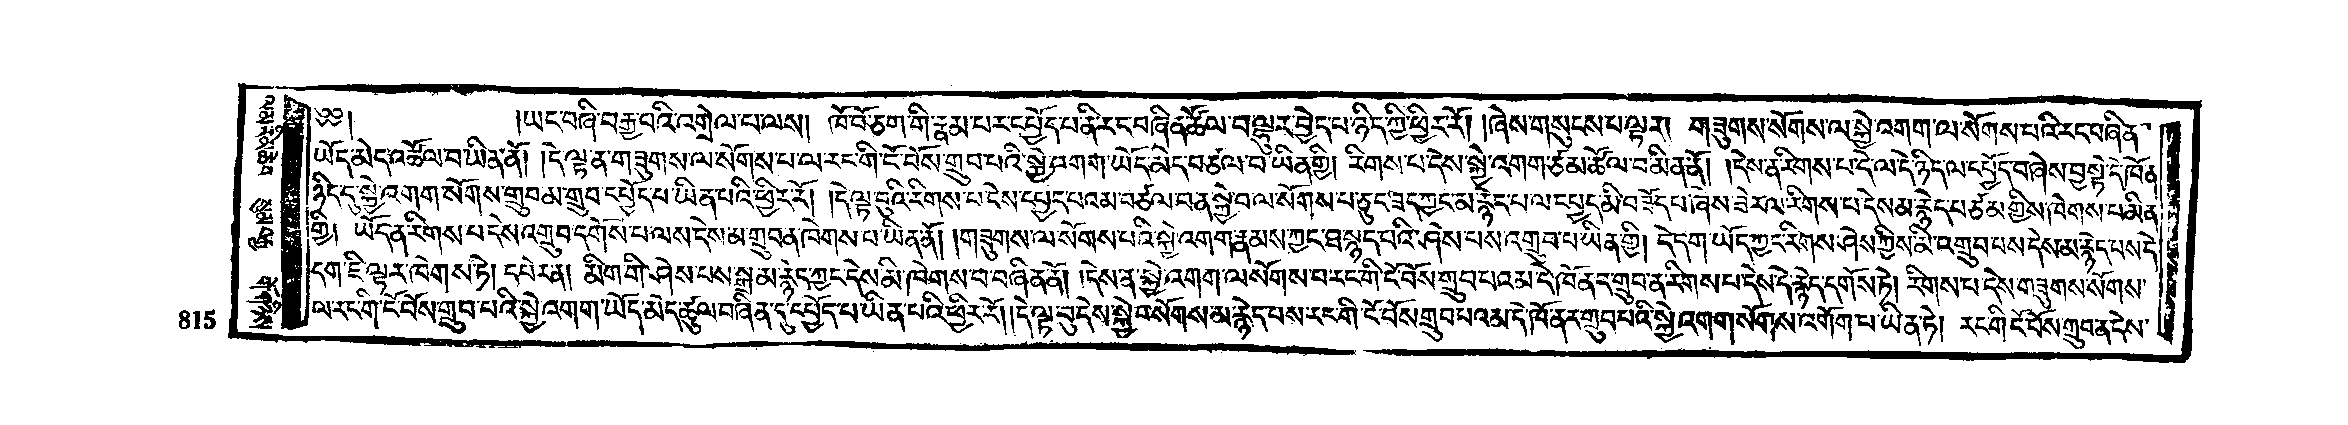༄༅། །ཡང་བཞི་བརྒྱ་པའི་འགྲེལ་པ་ལས། ཁོ་བོ་ཅག་གི་རྣམ་པར་དཔྱོད་པ་ནི་རང་བཞིན་ཚོལ་བ་ལྷུར་བྱེད་པ་ཉིད་ཀྱི་ཕྱིར་རོ། །ཞེས་གསུངས་པ་ལྟར། གཟུགས་སོགས་ལ་སྐྱེ་འགག་ལ་སོགས་པའི་རང་བཞིན་
ཡོད་མེད་འཚོལ་བ་ཡིན་ནོ། །དེ་ལྟ་ན་གཟུགས་ལ་སོགས་པ་ལ་རང་གི་ངོ་བོས་གྲུབ་པའི་སྐྱེ་འགག་ཡོད་མེད་བཙལ་བ་ཡིན་གྱི། རིགས་པ་དེས་སྐྱེ་འགག་ཙམ་ཚོལ་བ་མིན་ནོ། །དེས་ན་རིགས་པ་དེ་ལ་དེ་ཉིད་ལ་དཔྱོད་པ་ཞེས་བྱ་སྟེ་དེ་ཁོ་ན་
ཉིད་དུ་སྐྱེ་འགག་སོགས་གྲུབ་མ་གྲུབ་དཔྱོད་པ་ཡིན་པའི་ཕྱིར་རོ། །དེ་ལྟ་བུའི་རིགས་པ་དེས་དཔྱད་པའམ་བཙལ་བ་ན་སྐྱེ་བ་ལ་སོགས་པ་ཅུང་ཟད་ཀྱང་མ་རྙེད་པ་ལ་དཔྱད་མི་བཟོད་པ་ཞེས་ཟེར་ལ་རིགས་པ་དེས་མ་རྙེད་པ་ཙམ་གྱིས་ཁེགས་པ་མིན་
གྱི༑ ཡོད་ན་རིགས་པ་དེས་འགྲུབ་དགོས་པ་ལས་དེས་མ་གྲུབ་ན་ཁེགས་པ་ཡིན་ནོ། །གཟུགས་ལ་སོགས་པའི་སྐྱེ་འགག་རྣམས་ཀྱང་ཐ་སྙད་པའི་ཤེས་པས་འགྲུབ་པ་ཡིན་གྱི། དེ་དག་ཡོད་ཀྱང་རིགས་ཤེས་ཀྱིས་མི་འགྲུབ་པས་དེས་མ་རྙེད་པས་དེ་
དག་ཇི་ལྟར་ཁེགས་ཏེ། དཔེར་ན། མིག་གི་ཤེས་པས་སྒྲ་མ་རྙེད་ཀྱང་དེས་མི་ཁེགས་པ་བཞིན་ནོ། །དེས་ན་སྐྱེ་འགག་ལ་སོགས་པ་རང་གི་ངོ་བོས་གྲུབ་བའམ་དེ་ཁོ་ནར་གྲུབ་ན་རིགས་པ་དེས་དེ་རྙེད་དགོས་ཏེ། རིགས་པ་དེས་གཟུགས་སོགས་
ལ་རང་གི་ངོ་བོས་གྲུབ་པའི་སྐྱེ་འགག་ཡོད་མེད་ཚུལ་བཞིན་དུ་དཔྱོད་པ་ཡིན་པའི་ཕྱིར་རོ། །དེ་ལྟ་བུ་དེས་སྐྱེ་བ་སོགས་མ་རྙེད་པས་རང་གི་ངོ་བོས་གྲུབ་པའམ་དེ་ཁོ་ནར་གྲུབ་པའི་སྐྱེ་འགག་སོགས་འགོག་པ་ཡིན་ཏེ། རང་གི་ངོ་བོས་གྲུབ་ན་དེས་